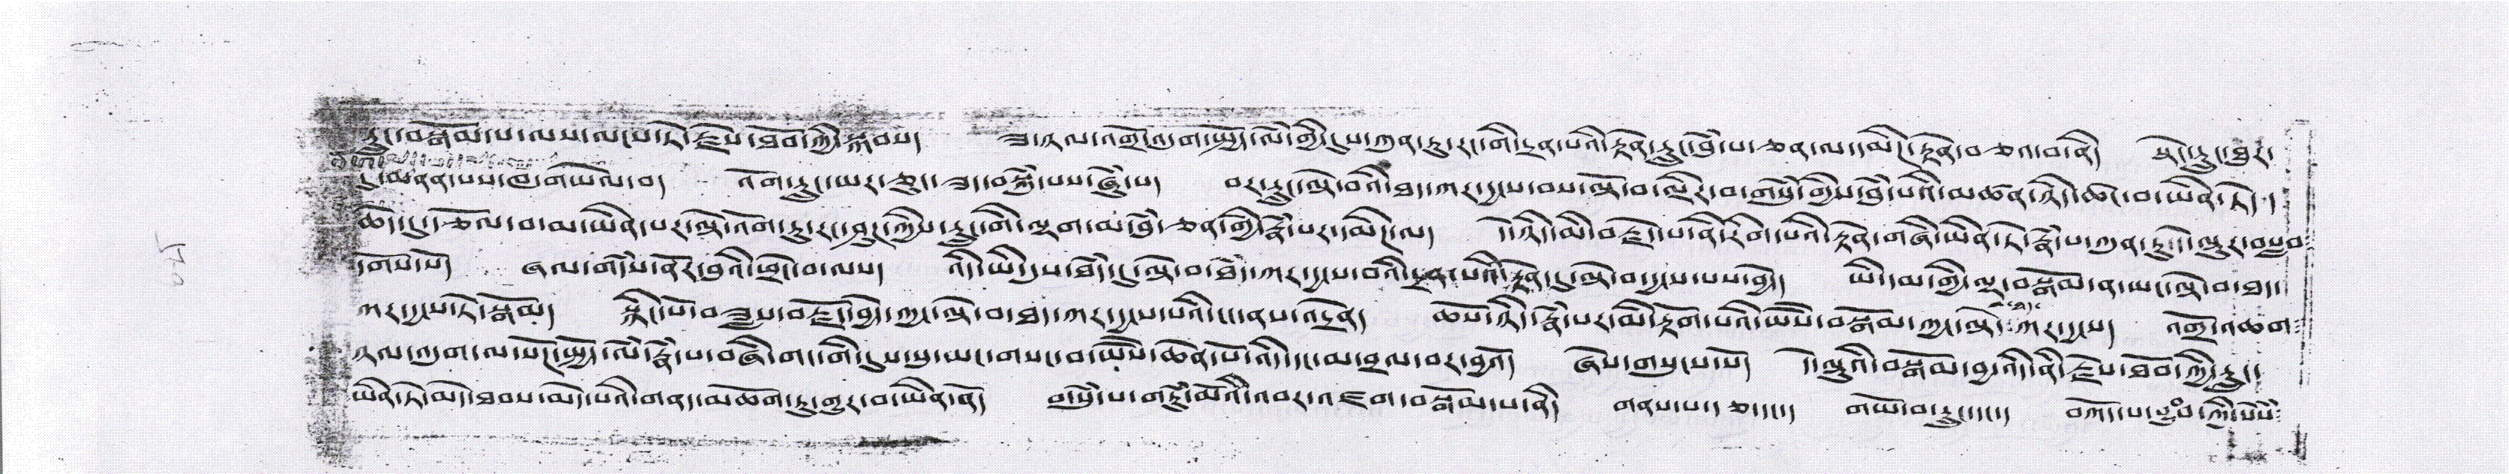རླུང་སྒོམ་པ་ལས་ལངས་ཏེ་རྗེས་ཐོབ་ཀྱི་སྐབས། ཟ་ཉལ་འགྲོ་འདུག་སྤྱོད་ལམ་གྱི་དུས་ཀུན་ཏུ་རང་གི་དྲན་པའི་རྟེན་རླུང་བུམ་པ་ཅན་ལ་དམིགས་རྟེན་བཅའ་བ་ནི། སྟེང་རླུང་ཐུར་
དུ་མནན་པས་ཁ་གཡེལ་བ། འོག་རླུང་མར་ཅུང་ཟད་བསྐུམ་པས་ཞུམ་པ། བར་རླུང་ལྟེ་བའི་ཐད་ཀར་རྒྱང་བས་ལྟོ་བ་ལྡིར་བ་གསུམ་གྱིས་བུམ་པའི་མཚན་ཉིད་ཚང་བ་ཡིན་ཏེ། 
ཆེད་དུ་རྩོལ་བ་མ་ཡིན་པར་ལྟེ་འོག་ཏུ་རང་ཤུགས་ཀྱིས་རླུང་གི་ལྷག་མ་བུམ་ཅན་གྱི་རྣ་པར་དམིགས་ལ། དེ་ཉིད་མི་བརྗོད་པ་ནི་རིག་པའི་རྟེན་གཞི་ཡིན་ཏེ། རྣམ་པ་ཀུན་ཏུ་དེ་ལྟར་བསླབ་
དགོས་སོ། ཞལ་གདམས་ནོར་བུའི་ཕྲེང་བ་ལས། འདི་ཡི་དུས་ཐམས་ཅད་དུ་ལྟེ་བ་ཐད་ཀར་རྒྱང་བའི་དྲན་པའི་རྟེན་དུ་ལྟེ་བ་རྒྱངས་པས་བྱེད། ཡི་དམ་གྱི་ལྷ་བསྒོམ་ན་ཡང་ལྟེ་བ་ཐད་
ཀར་རྒྱངས་ཏེ་བསྒོམ། སྙིང་པོ་བཟླས་བརྗོད་བྱེད་ཀྱང་ལྟེ་བ་ཐད་ཀར་རྒྱངས་པའི་ངང་ནས་འདྲེན། ཆོས་ཉིད་རྣམ་པར་མི་རྟོག་པའི་ཡེ་ཤེས་བསྒོམ་ཀྱང་ལྟེ་བ་ཐད་ཀར་རྒྱངས། འགྲོ་འཆག་
ཉལ་འདུག་ལ་སོགས་སྤྱོད་ལམ་རྣམ་པ་བཞི་གང་གི་དུས་སུ་ཡང་གསང་བ་ཡེ་ཤེས་ཆེན་པོ་འདི་དང་མ་བྲལ་བར་བྱའོ། ཞེས་གསུངས་སོ། དེ་ལྟ་བུའི་བསྒོམ་བྱ་འདི་ནི་རྗེས་ཐོབ་ཀྱི་རླུང་
ཡིན་ཏེ། མེད་ཐབས་མེད་པའི་གནད་མཆོག་ཏུ་གྱུར་པ་ཡིན་ནོ། །གསུམ་པ་གཏུམ་མོའི་འབར་འཛག་བསྒོམ་པ་ནི། གནས་པ་རྩ་དང་། གཡོ་བ་རླུང་དང་། བཀོད་པ་བྱང་ཆུབ་ཀྱི་སེམས་